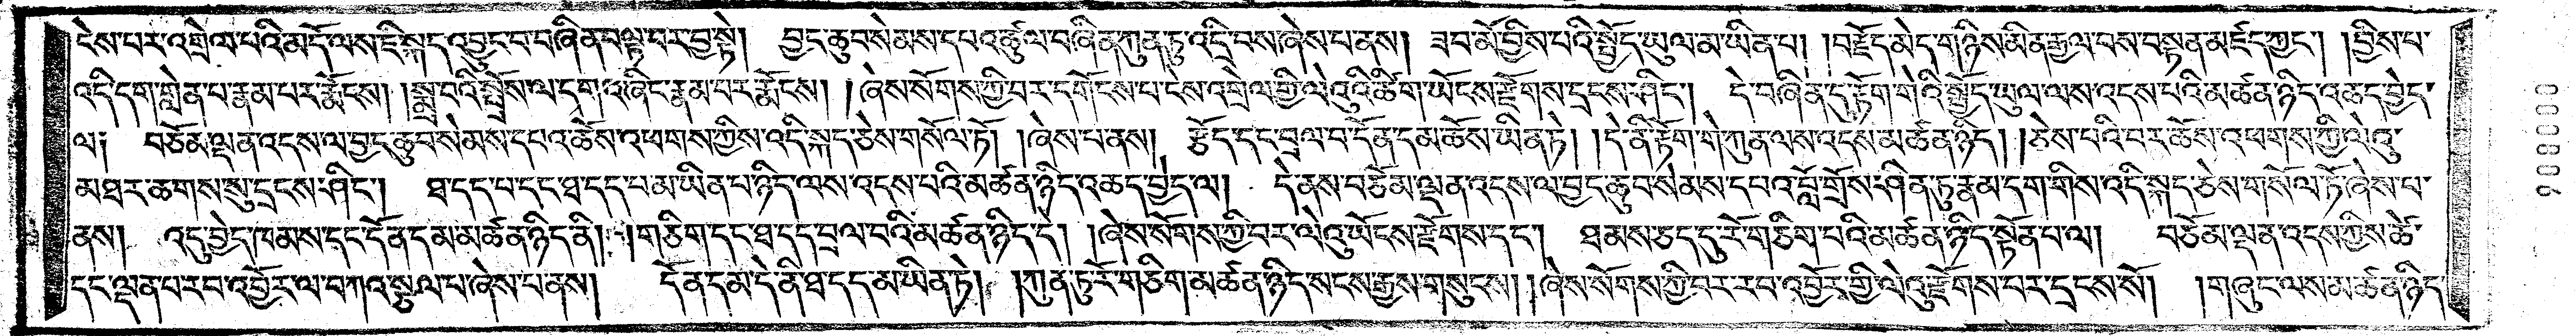ངེས་པར་འགྲེལ་པའི་མདོ་ལས་ཇི་སྐད་འབྱུང་བ་བཞིན་བལྟ་བར་བྱ་སྟེ། བྱང་ཆུབ་སེམས་དཔའ་ཚུལ་བཞིན་ཀུན་ཏུ་འདྲི་བས་ཞེས་པ་ནས། ཟབ་མོ་བྱིས་པའི་སྤྱོད་ཡུལ་མ་ཡིན་པ། །བརྗོད་མེད་གཉིས་མིན་རྒྱལ་བས་བསྟན་མཛད་ཀྱང་། །བྱིས་པ་
འདི་དག་གླེན་པ་རྣམ་པར་རྨོངས། །སྨྲ་བའི་སྤྲོས་ལ་དགའ་ཞིང་རྣམ་པར་རྨོངས། །ཞེས་སོགས་ཀྱི་བར་དགོངས་པ་ངེས་འགྲེལ་གྱི་ལེའུའི་ཚིག་ཡོངས་རྫོགས་དྲངས་ཤིང་། དེ་བཞིན་དུ་རྟོག་གེའི་སྤྱོད་ཡུལ་ལས་འདས་པའི་མཚན་ཉིད་འཆད་བྱེད་
ལ༑ བཅོམ་ལྡན་འདས་ལ་བྱང་ཆུབ་སེམས་དཔའ་ཆོས་འཕགས་ཀྱིས་འདི་སྐད་ཅེས་གསོལ་ཏོ། །ཞེས་པ་ནས། རྩོད་དང་བྲལ་བ་དོན་དམ་ཆོས་ཡིན་ཏེ། །དེ་ནི་རྟོག་གེ་ཀུན་ལས་འདས་མཚན་ཉིད། །ཅེས་པའི་བར་ཆོས་འཕགས་ཀྱི་ལེའུ་
མཐར་ཆགས་སུ་དྲངས་ཤིང་། ཐ་དད་པ་དང་ཐ་དད་པ་མ་ཡིན་པ་ཉིད་ལས་འདས་པའི་མཚན་ཉིད་འཆད་བྱེད་ལ། དེ་ནས་བཅོམ་ལྡན་འདས་ལ་བྱང་ཆུབ་སེམས་དཔའ་བློ་གྲོས་ཤིན་ཏུ་རྣམ་དག་གིས་འདི་སྐད་ཅེས་གསོལ་ཏོ་ཞེས་པ་
ནས། འདུ་བྱེད་ཁམས་དང་དོན་དམ་མཚན་ཉིད་ནི། །གཅིག་དང་ཐ་དད་བྲལ་བའི་མཚན་ཉིད་དེ། །ཞེས་སོགས་ཀྱི་བར་ལེའུ་ཡོངས་རྫོགས་དང་། ཐམས་ཅད་དུ་རོ་གཅིག་པའི་མཚན་ཉིད་སྟོན་པ་ལ། བཅོམ་ལྡན་འདས་ཀྱིས་ཚེ་
དང་ལྡན་པ་རབ་འབྱོར་ལ་བཀའ་སྩལ་པ་ཞེས་པ་ནས། དོན་དམ་དེ་ནི་ཐ་དད་མ་ཡིན་ཏེ། །ཀུན་ཏུ་རོ་གཅིག་མཚན་ཉིད་སངས་རྒྱས་གསུངས། །ཞེས་སོགས་ཀྱི་བར་རབ་འབྱོར་གྱི་ལེའུ་རྫོགས་པར་དྲངས་སོ། །གཞུང་ལས་མཚན་ཉིད་